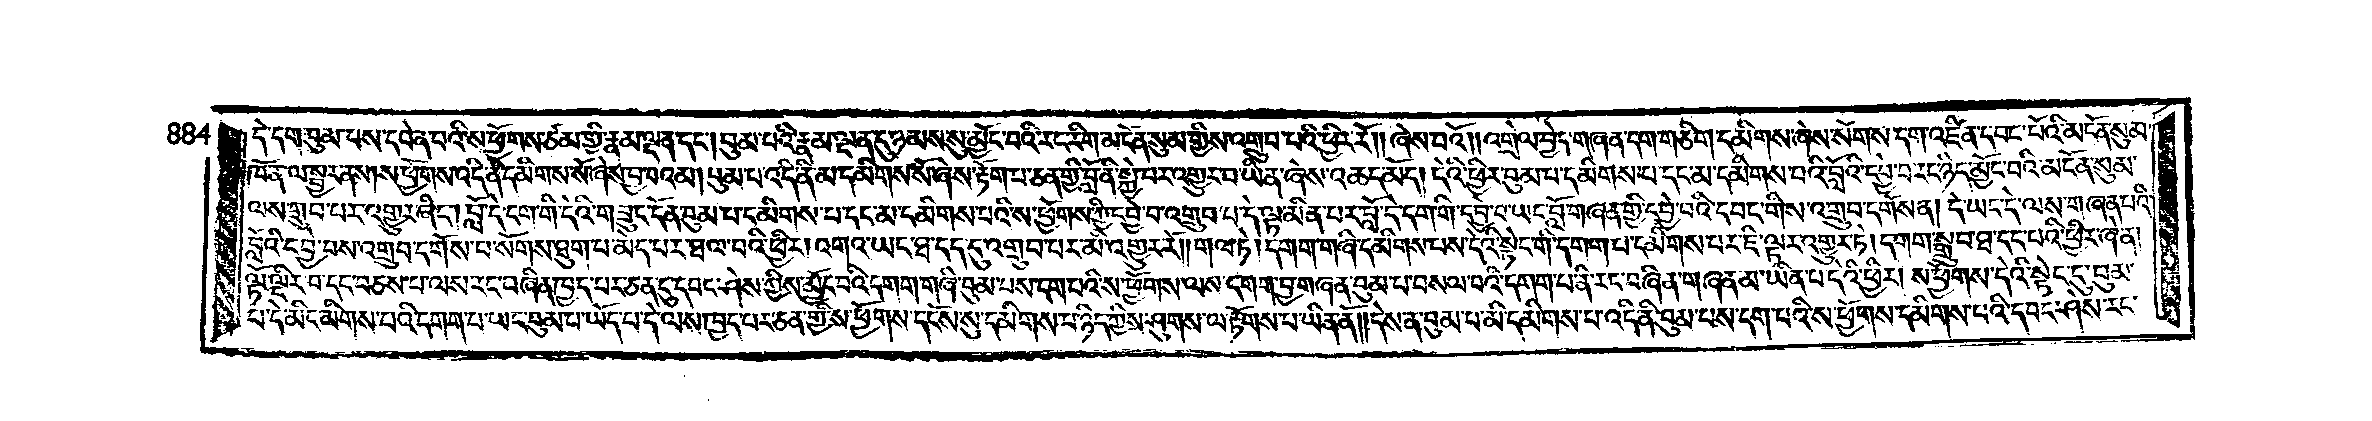དེ་དག་བུམ་པས་དབེན་པའི་ས་ཕྱོགས་ཙམ་གྱི་རྣམ་ལྡན་དང་། བུམ་པའི་རྣམ་ལྡན་དུ་ཉམས་སུ་མྱོང་བའི་རང་རིག་མངོན་སུམ་གྱིས་འགྲུབ་པའི་ཕྱིར་རོ། །ཞེས་པའོ། །འགྲེལ་བྱེད་གཞན་དག་གཅིག་དམིགས་ཞེས་སོགས་དག་འཛིན་དབང་པོའི་མངོན་སུམ་
ཁོ་ན་སྦྱར་ནས། ས་ཕྱོགས་འདི་ནི་དམིགས་སོ་ཞེས་བྱ་བའམ། བུམ་པ་འདི་ནི་མ་དམིགས་སོ་ཞེས་རྟོག་པ་ཅན་གྱི་བློ་ནི་སྐྱེ་བར་འགྱུར་བ་ཡིན་ཞེས་འཆད་མོད། དེའི་ཕྱིར་བུམ་པ་དམིགས་པ་དང་མ་དམིགས་པའི་བློའི་དབྱེ་བ་རང་ཉིད་མྱོང་བའི་མངོན་སུམ་
ལས་གྲུབ་པར་འགྱུར་ཞིང་། བློ་དེ་དག་གི་དེའི་གཟུང་དོན་བུམ་པ་དམིགས་པ་དང་མ་དམིགས་པའི་ས་ཕྱོགས་ཀྱི་དབྱེ་བ་འགྲུབ་པ་དེ་ལྟ་མིན་པར་བློ་དེ་དག་གི་དབྱེ་བ་ཡང་བློ་གཞན་དབྱེ་བའི་དབང་གིས་འགྲུབ་དགོས་ན། དེ་ཡང་དེ་ལས་གཞན་པའི་
བློའི་དབྱེ་བས་འགྲུབ་དགོས་པ་སོགས་ཐུག་པ་མེད་པར་ཐལ་བའི་ཕྱིར། འགའ་ཡང་ཐ་དད་དུ་འགྲུབ་པར་མི་འགྱུར་རོ། །གལ་ཏེ། དགག་གཞི་དམིགས་པས་དེའི་སྟེང་གི་དགག་པ་དམིགས་པར་ཇི་ལྟར་འགྱུར་ཏེ། དགག་སྒྲུབ་ཐ་དད་པའི་ཕྱིར་ཞེ་ན།
ལྟོ་ལྡིར་བ་དང་བཅས་པ་ལས་རང་བཞིན་ཁྱད་པར་ཅན་དུ་དབང་ཤེས་ཀྱིས་མྱོང་བའི་དགག་གཞི་བུམ་པས་དག་པའི་ས་ཕྱོགས་ལས་དགག་བྱ་གཞན་བུམ་པ་བསལ་བའི་དགག་པ་ནི་རང་བཞིན་གཞན་མ་ཡིན་པ་དེའི་ཕྱིར། ས་ཕྱོགས་དེའི་སྟེང་དུ་བུམ་
པ་དེ་མི་དམིགས་པའི་དགག་པ་ཡང་བུམ་པ་ཡོད་པ་དེ་ལས་ཁྱད་པར་ཅན་གྱི་ས་ཕྱོགས་དངོས་སུ་དམིགས་པ་ཉིད་ཀྱིས་ཤུགས་ལ་རྟོགས་པ་ཡིན་ནོ། །དེས་ན་བུམ་པ་མི་དམིགས་པ་འདི་ནི་བུམ་པས་དག་པའི་ས་ཕྱོགས་དམིགས་པའི་དབང་ཤེས་རན་